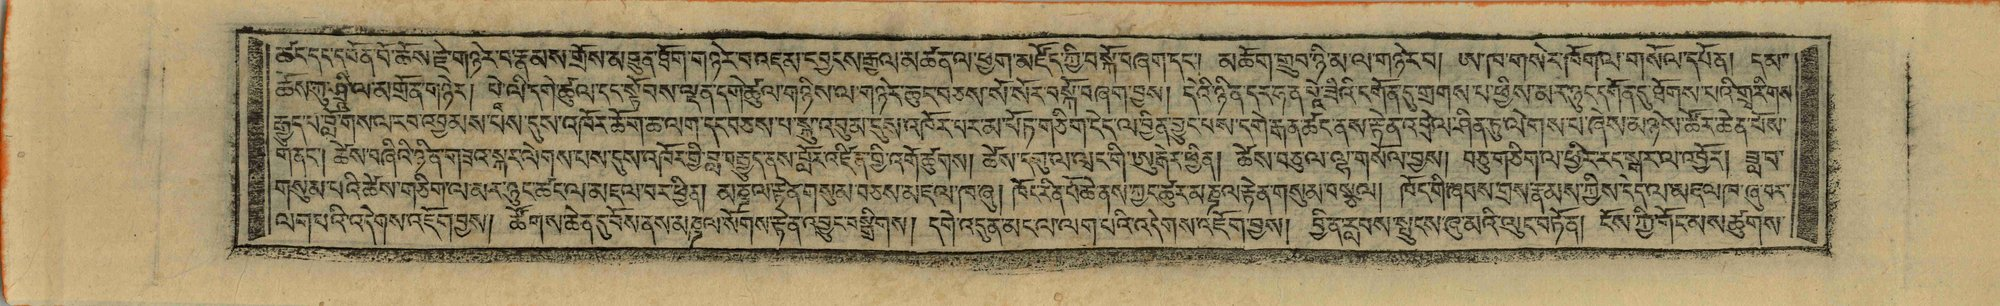ཚང་དང་དབོན་པོ་ཆོས་རྗེ་གཉེར་བ་རྣམས་གྲོས་མཐུན་ཐོག་གཉེར་བ་འཇམ་དབྱངས་རྒྱལ་མཚན་ལ་ཕྱག་མཛོད་ཀྱི་བསྐོ་བཞག་དང་། མཆོག་གྲུབ་ཉི་མ་ལ་གཉེར་བ། ཨ་ཁ་གསེར་ཁོག་ལ་གསོལ་དཔོན། དམ་
ཆོས་ཀུ་ཤྲཱི་ལ་མགྲོན་གཉེར། པE་ལི་དགེ་ཚུལ་དང་སྟོབས་ལྡན་དགེ་ཚུལ་གཉིས་ལ་གཉེར་ཆུང་བཅས་སོ་སོར་བསྐོ་བཞག་བྱས། དེའི་ཉིན་དར་ཧན་པE་ཟིའི་དགོན་དུ་གྲགས་པ་ཕྱིས་མར་ཉུང་དགོན་དུ་ཐོགས་པའི་གྲྭ་རིགས་
རྒྱུད་པ་བློ་གསལ་རབ་འབྱམས་པས་དུས་འཁོར་ཆོ་ག་ཆ་ལག་དང་བཅས་པ་སྐུ་འབུམ་དུས་འཁོར་པར་མ་པོ་ཏ་གཅིག་ངེད་ལ་བྱིན་བྱུང་པས་དགེ་རྒན་ཚང་ནས་རྟེན་འབྲེལ་ཤིན་ཏུ་ལེགས་པ་ཞེས་མཉེས་ཚོར་ཆེན་པོས་
གནང་། ཚེས་བཞིའི་ཉིན་གཟའ་སྐར་ལེགས་པས་དུས་འཁོར་གྱི་བླ་བརྒྱུད་ནས་བློར་འཛིན་གྱི་འགོ་ཚུགས། ཚེས་དགུ་ལ་ཝང་གི་ཨུརྒེར་ཕྱིན། ཚེས་བཅུ་ལ་ལྷ་གསོལ་བྱས། བཅུ་གཅིག་ལ་ཕྱིར་རང་སྒར་ལ་འབྱོར། ཟླ་བ་
གསུམ་པའི་ཚེས་གཅིག་ལ་མར་ཉུང་ཚང་ལ་མཇལ་བར་ཕྱིན། མཎྜལ་རྟེན་གསུམ་བཅས་མཇལ་ཁ་ཞུ། ཁོང་རིན་པོ་ཆེ་ནས་ཀྱང་ཚུར་མཎྜལ་རྟེན་གསུམ་བསྩལ། ཁོང་གི་ཞབས་གྲས་རྣམས་ཀྱིས་ངེད་ལ་མཇལ་ཁ་ཞུ་བར་
ལག་པའི་འདེགས་འཇོག་བྱས། ཚོགས་ཆེན་དུ་བོས་ནས་མཎྜལ་སོགས་རྟེན་འབྱུང་བསྒྲིགས། དགེ་འདུན་མང་ལ་ལག་པའི་འདེགས་འཇོག་བྱས། བྱིན་རླབས་སྤུངས་ཞུ་མའི་ལུང་བཏོན། ངོས་ཀྱི་གོང་མས་ཚུགས་